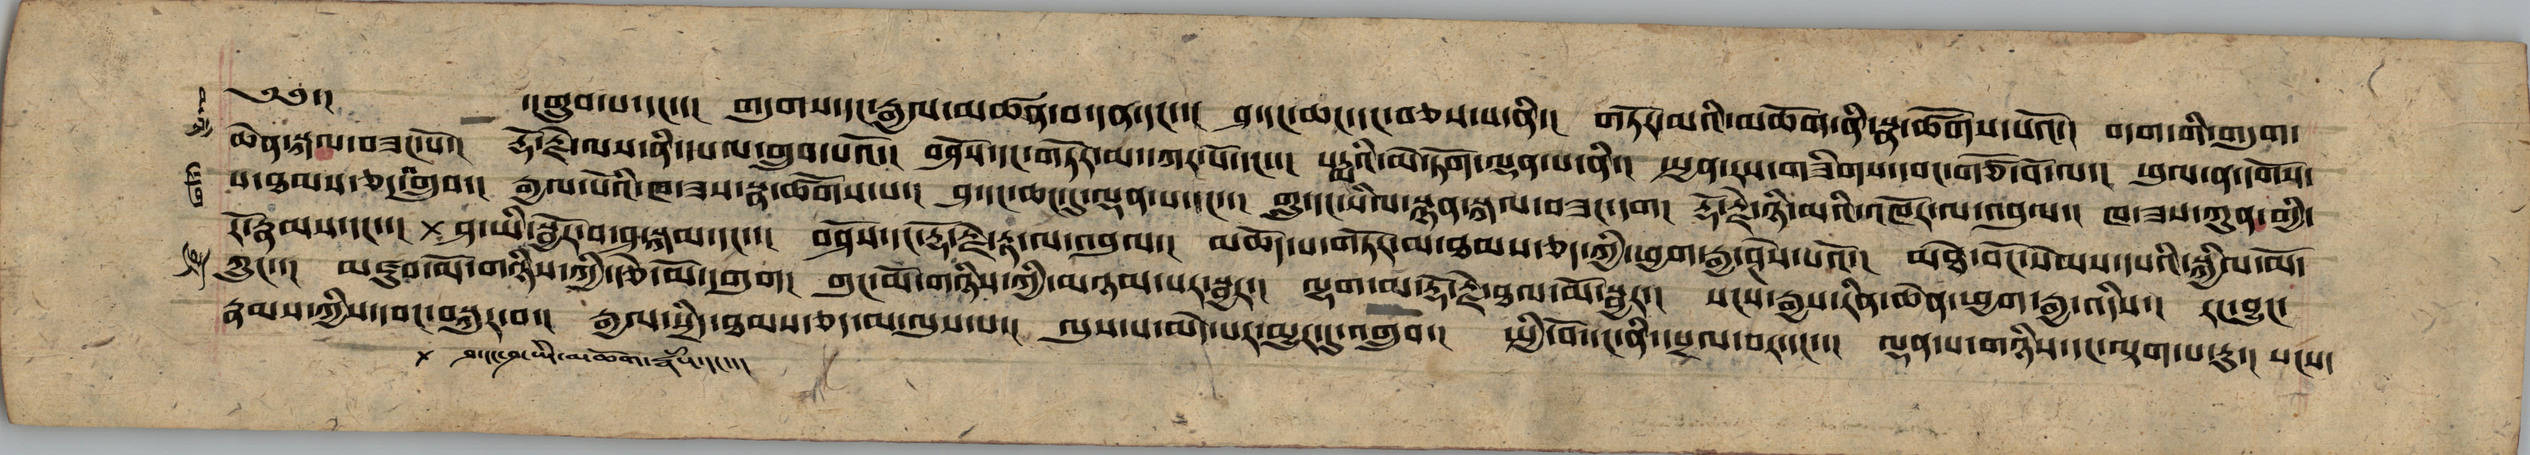༄༅་། ་།གྲུབ་པ་དང་་། གདུག་དང་རྒྱལ་མཚན་བ་དན་དང་་། ཤ་དང་ཆང་དང་བཅས་པ་ནི་། གཏོར་མའི་མཆོག་ནི་སྣ་ཚོགས་པའོ་། བདག་གི་གདུག་
ཆེན་སྐལ་བཟང་པོ་། རྡོ་རྗེ་ལས་ནི་དཔལ་གྲུབ་པའོ་། བཤོས་དང་གཏོར་མ་དཀར་པོ་དང་་། པདྨའི་མེ་ཏོག་ལྡན་པ་ནི་། སྤྱན་རས་གཟིགས་དབང་གཙོ་བོ་ལ་། ཕུལ་ན་དགོས་
པ་ཐམས་ཅད་འགྲུབ་། རྒྱལ་པོའི་ཁ་ཟས་སྣ་ཚོགས་པ་། ཤ་དང་ཆང་དུ་ལྡན་པ་དང་་། གླུ་དང་སིལ་སྙན་སྐལ་བཟང་དག། རྡོ་རྗེ་ཉི་མའི་འཁོར་ལ་འབུལ་། ཁ་ཟས་ཀུན་གྱི་
རོ་རྣམས་དང་་། ཤ་ཡི་སྦྱོར་བ་ཤ་སྐམ་དང་་། བཤོས་དང་རྡོ་རྗེ་རྟ་ལ་འབུལ་། མཆོད་པ་གཏོར་མ་ཐམས་ཅད་ཀྱི་ཕྱག་རྒྱ་ཤེས་པའོ་། མཐེ་བོང་སེམས་དཔའི་སྐྱིལ་མོ་
ཀྲུང་་། མཛུབ་མོ་གཉིས་ཀྱི་རྩེ་མོ་དགུག། གུང་མོ་གཉིས་ཀྱི་མཉམ་པར་སྦྱར་། ལྷག་མ་རྡོ་རྗེ་ཐལ་མོ་སྦྱར་། སངས་རྒྱས་རིན་ཆེན་ཕྱག་རྒྱ་འདིས་། རང་བྱུང་
རྣམས་ཀྱིས་དབང་བསྐུར་བ་། རྒྱལ་སྲིད་ཐམས་ཅད་མ་ལུས་པ་། ལུས་པ་མེད་པར་མྱུར་དུ་འགྲུབ་། སྤྱི་བོ་དང་ནི་དཔྲལ་བར་དང་་། ལྡན་པ་གཉིས་དང་ལྟག་པ་རུ་། སངས་